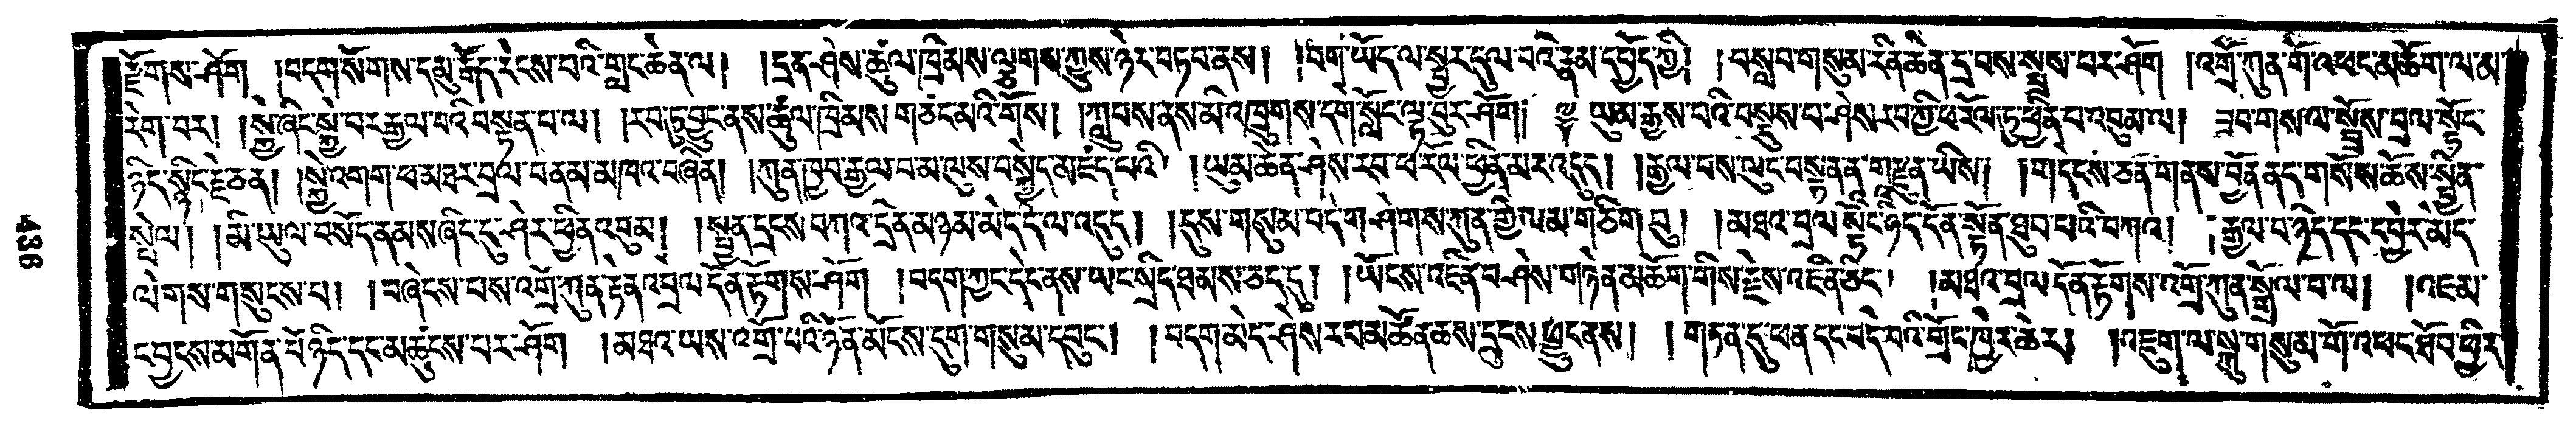རྫོགས་ཤོག །བདག་སོགས་དམུ་རྒོད་རེངས་བའི་གླང་ཆེན་ལ། །དྲན་ཤེས་ཚུལ་ཁྲིམས་ལྕགས་ཀྱུས་ཉེར་བཏབ་ནས། །བག་ཡོད་ལ་སྦྱར་དུལ་བའི་རྣམ་དཔྱོད་ཀྱི། །བསླབ་གསུམ་རིན་ཆེན་དྲ་བས་སྤྲས་པར་ཤོག །འགྲོ་ཀུན་གོ་འཕང་མཆོག་ལ་མ་
རེག་བར། །སྐྱེ་ཞིང་སྐྱེ་བར་རྒྱལ་བའི་བསྟན་པ་ལ། །རབ་ཏུ་བྱུང་ནས་ཚུལ་ཁྲིམས་གཙང་མའི་གོས། །ཀླུབས་ནས་མི་འཁྲུགས་དགེ་སློང་ལྟ་བུར་ཤོག། ༈ ཡུམ་རྒྱས་བའི་བསྡུས་པ་ཤེས་རབ་ཀྱི་ཕ་རོལ་ཏུ་ཕྱིན་པ་འབུམ་ལ། ཟབ་གསལ་སྦྲོས་བྲལ་སྟོང་
ཉིད་སྙིང་རྗེ་ཅན། །སྐྱེ་འགག་ཕ་མཐར་བྲལ་བ་ནམ་མཁའ་བཞིན། །ཀུན་ཁྱབ་རྒྱལ་བ་མ་ལུས་བསྐྱེད་མཛད་པའི། །ཡུམ་ཆེན་ཤེས་རབ་ཕ་རོལ་ཕྱིན་མར་འདུད། །རྒྱལ་བས་ལུང་བསྟན་ནཱ་གཱརྫུན་ཡིས། །གདེངས་ཅན་གནས་བྱོན་ནད་གསོས་ཆོས་སྦྱིན་
སྤེལ། །མི་ཡུལ་བསོད་ནམས་ཞིང་དུ་ཤེར་ཕྱིན་འབུམ། །སྤྱན་དྲངས་བཀའ་དྲིན་མཉམ་མེད་དེ་ལ་འདུད། །དུས་གསུམ་བདེ་གཤེགས་ཀུན་གྱི་ལམ་གཅིག་བུ། །མཐའ་བྲལ་སྟོང་ཉིད་དོན་སྟོན་ཐུབ་པའི་བཀའ། །རྒྱལ་བ་ཉིད་དང་དབྱེར་མེད་
ལེགས་གསུངས་པ། །བཞེངས་བས་འགྲོ་ཀུན་རྟེན་འབྲེལ་དོན་རྟོགས་ཤོག །བདག་ཀྱང་དེང་ནས་ཡང་སྲིད་ཐམས་ཅད་དུ། །ཡོངས་འཛིན་བཤེས་གཉེན་མཆོག་གིས་རྗེས་འཛིན་ཅིང་། །མཐའ་བྲལ་དོན་རྟོགས་འགྲོ་ཀུན་སྒྲོལ་བ་ལ། །འཇམ་
དབྱངས་མགོན་པོ་ཉིད་དང་མཚུངས་པར་ཤོག །མཐའ་ཡས་འགྲོ་པའི་ཉོན་མོངས་དུག་གསུམ་དབུང་། །བདག་མེད་ཤེས་རབ་མཚོན་ཆས་དྲུངས་ཕྱུང་ནས། །གཏན་དུ་ཕན་དང་བདེ་བའི་གྲོང་ཁྱེར་ཆེར། །འཇུག་ལ་སྐུ་གསུམ་གོ་འཕང་ཐོབ་ཕྱིར་